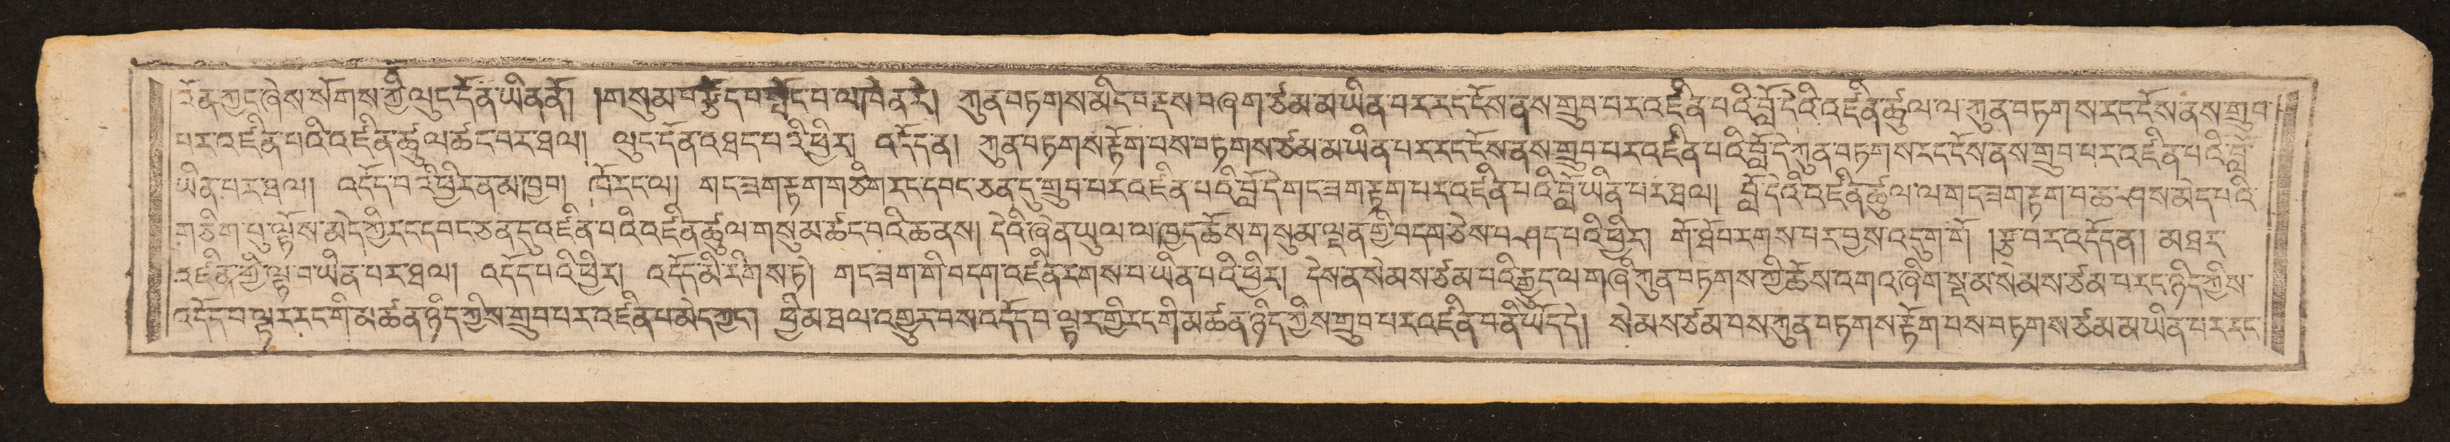འོན་ཀྱང་ཞེས་སོགས་ཀྱི་ལུང་དོན་ཡིན་ནོ། །གསུམ་པ་རྩོད་པ་སྤོང་པ་ལ་ཁོ་ན་རེ། ཀུན་བཏགས་མིང་བརྡས་བཞག་ཙམ་མ་ཡིན་པར་རང་ངོས་ནས་གྲུབ་པར་འཛིན་པའི་བློ་དེའི་འཛིན་ཚུལ་ལ་ཀུན་བཏགས་རང་ངོས་ནས་གྲུབ་
པར་འཛིན་པའི་འཛིན་ཚུལ་ཚང་བར་ཐལ། ལུང་དོན་འཐད་པའི་ཕྱིར། འདོད་ན། ཀུན་བཏགས་རྟོག་པས་བཏགས་ཙམ་མ་ཡིན་པར་རང་ངོས་ནས་གྲུབ་པར་འཛིན་པའི་བློ་དེ་ཀུན་བཏགས་རང་ངོས་ནས་གྲུབ་པར་འཛིན་པའི་བློ་
ཡིན་པར་ཐལ། འདོད་པའི་ཕྱིར་ན་མ་ཁྱབ། ཁོ་རང་ལ། གང་ཟག་རྟག་གཅིག་རང་དབང་ཅན་དུ་གྲུབ་པར་འཛིན་པའི་བློ་དེ་གང་ཟག་རྟག་པར་འཛིན་པའི་བློ་ཡིན་པར་ཐལ། བློ་དེའི་འཛིན་ཚུལ་ལ་གང་ཟག་རྟག་པ་ཆ་ཤས་མེད་པའི་
གཅིག་པུ་ལྟོས་མེད་ཀྱི་རང་དབང་ཅན་དུ་འཛིན་པའི་འཛིན་ཚུལ་གསུམ་ཚང་བའི་ཆ་ནས། དེའི་ཞེན་ཡུལ་ལ་ཁྱད་ཆོས་གསུམ་ལྡན་གྱི་བདག་ཅེས་བཤད་པའི་ཕྱིར། གོ་ཐོབ་རགས་པར་བྱས་འདུག་གོ །རྩ་བར་འདོད་ན། མཐར་
འཛིན་གྱི་ལྟ་བ་ཡིན་པར་ཐལ། འདོད་པའི་ཕྱིར། འདོད་མི་རིགས་ཏེ། གང་ཟག་གི་བདག་འཛིན་རགས་པ་ཡིན་པའི་ཕྱིར། དེས་ན་སེམས་ཙམ་པའི་རྒྱུད་ལ་གཞི་ཀུན་བཏགས་ཀྱི་ཆོས་འགའ་ཞིག་སྔ་མ་སེམས་ཙམ་པ་རང་ཉིད་ཀྱིས་
འདོད་པ་ལྟར་རང་གི་མཚན་ཉིད་ཀྱིས་གྲུབ་པར་འཛིན་པ་མེད་ཀྱང་། ཕྱི་མ་ཐལ་འགྱུར་བས་འདོད་པ་ལྟར་གྱི་རང་གི་མཚན་ཉིད་ཀྱིས་གྲུབ་པར་འཛིན་པ་ནི་ཡོད་དེ། སེམས་ཙམ་པས་ཀུན་བཏགས་རྟོག་པས་བཏགས་ཙམ་མ་ཡིན་པར་རང་